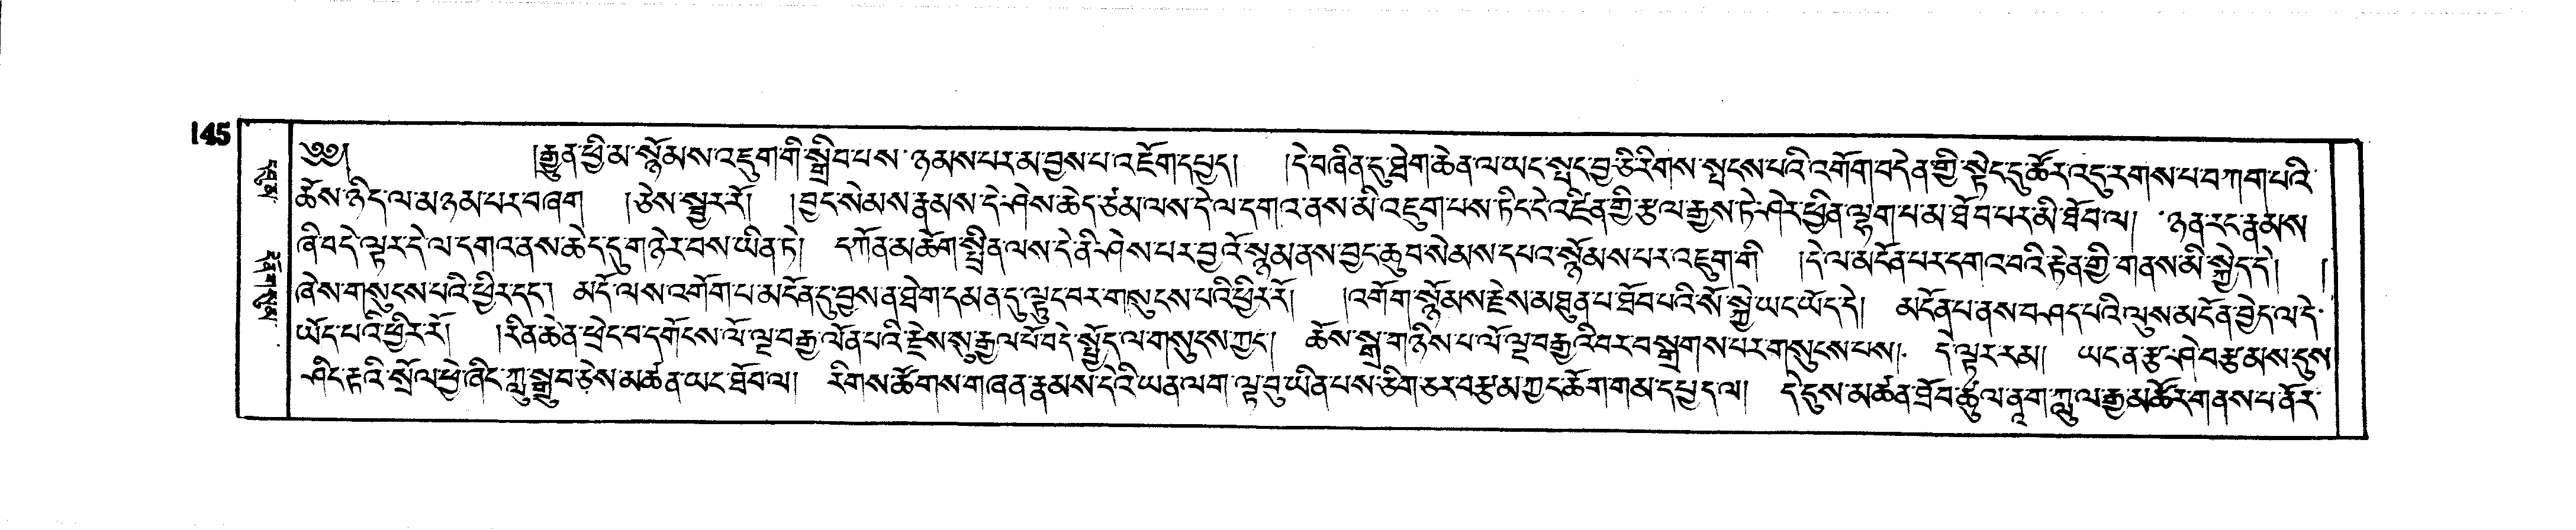༄༅། །རྒྱུན་ཕྱི་མ་སྙོམས་འཇུག་གི་སྒྲིབ་པས་ཉམས་པར་མ་བྱས་པ་འཇོག་དཔྱད། །དེ་བཞིན་དུ་ཐེག་ཆེན་ལ་ཡང་སྤང་བྱ་ཅི་རིགས་སྤངས་པའི་འགོག་བདེན་གྱི་སྟེང་དུ་ཚོར་འདུ་རགས་པ་བཀག་པའི་
ཆོས་ཉིད་ལ་མཉམ་པར་བཞག །ཅེས་སྦྱར་རོ། །བྱང་སེམས་རྣམས་དེ་ཤེས་ཆེད་ཙམ་ལས་དེ་ལ་དགའ་ནས་མི་འཇུག་པས་ཏིང་ངེ་འཛིན་གྱི་རྩལ་རྒྱས་ཏེ་ཤེར་ཕྱིན་ལྷག་པ་མ་ཐོབ་པར་མི་ཐོབ་ལ། ཉན་རང་རྣམས་
ཞི་བདེ་ལྟར་དེ་ལ་དགའ་ནས་ཆེད་དུ་གཉེར་བས་ཡིན་ཏེ། དཀོན་མཆོག་སྤྲིན་ལས་དེ་ནི་ཤེས་པར་བྱའོ་སྙམ་ནས་བྱང་ཆུབ་སེམས་དཔའ་སྙོམས་པར་འཇུག་གི །དེ་ལ་མངོན་པར་དགའ་བའི་རྟེན་གྱི་གནས་མི་སྐྱེད་དེ། །
ཞེས་གསུངས་པའི་ཕྱིར་དང་། མདོ་ལས་འགོག་པ་མངོན་དུ་བྱས་ན་ཐེག་དམན་དུ་ལྟུང་བར་གསུངས་པའི་ཕྱིར་རོ། །འགོག་སྙོམས་རྗེས་མཐུན་པ་ཐོབ་པའི་སོ་སྐྱེ་ཡང་ཡོད་དེ། མངོན་པ་ནས་བཤད་པའི་ལུས་མངོན་བྱེད་ལ་དེ་
ཡོད་པའི་ཕྱིར་རོ། །རིན་ཆེན་ཕྲེང་བ་དགོངས་ལོ་ལྔ་བརྒྱ་ལོན་པའི་རྗེས་སུ་རྒྱལ་པོ་བདེ་སྤྱོད་ལ་གསུངས་ཀྱང་། ཆོས་སྒྲ་གཉིས་པ་ལོ་ལྔ་བརྒྱའི་བར་བསྒྲགས་པར་གསུངས་པས། དེ་ལྟར་རམ། ཡང་ན་རྩ་ཤེ་བརྩམས་དུས་
ཤིང་རྟའི་སྲོལ་ཕྱེ་ཞིང་ཀླུ་སྒྲུབ་ཅེས་མཚན་ཡང་ཐོབ་ལ། རིགས་ཚོགས་གཞན་རྣམས་དེའི་ཡན་ལག་ལྟ་བུ་ཡིན་པས་ཅིག་ཅར་བརྩམ་ཀྱང་ཆོག་གམ་དཔྱད་ལ། དེ་དུས་མཚན་ཐོབ་ཚུལ་ནཱ་ག་ཀླུ་ལ་རྒྱ་མཚོར་གནས་པ་ནོར་